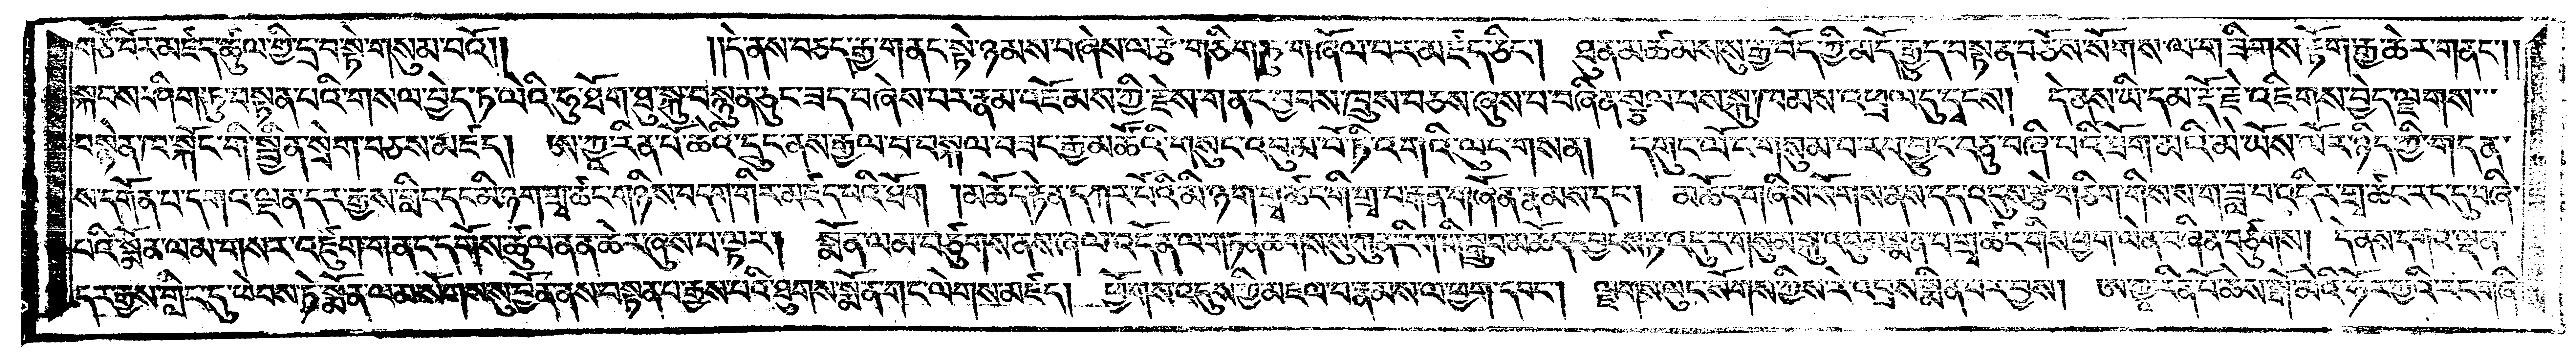གཙོ་བོར་མཛད་ཚུལ་གྱི་དྲ་བ་སྟེ་གསུམ་པའོ།། །།དེ་ནས་བཅད་རྒྱ་གནང་སྟེ་ཉམས་བཞེས་ལ་རྩེ་གཅིག་ཏུ་གཞོལ་བར་མཛད་ཅིང་། ཐུན་མཚམས་སུ་རྒྱ་བོད་ཀྱི་མདོ་རྒྱུད་བསྟན་བཅོས་སོགས་ལ་གཟིགས་རྟོག་རྒྱ་ཆེར་གནང་། །
སྐབས་ཤིག་ཏུ་བསྟན་བའི་གསལ་བྱེད་ཏ་ལེའི་ཧུ་ཐོག་ཐུ་སྐུ་བསྙུན་ཅུང་ཟད་བཞེས་པར་རྣམ་འཇོམས་ཀྱི་རྗེས་གནང་བྱབས་ཁྲུས་བཅས་ཞུས་པ་བཞིན་སྩལ་བས་སྐུ་ཁམས་འཕྲལ་དུ་དྭངས། དེ་ནས་ཡི་དམ་རྡོ་རྗེ་འཇིགས་བྱེད་ལྗགས་
བསྙེན་ཁ་སྐོང་གི་སྦྱིན་སྲེག་བཅས་མཛད། ཨ་ཀྱཱ་རིན་པོ་ཆེའི་དྲུང་ནས་རྒྱལ་བ་བསྐལ་བཟང་རྒྱ་མཚོའི་གསུང་འབུམ་བོ་ཏི་འགའི་ལུང་གསན། དགུང་ལོང་གསུམ་བ་རབ་བྱུང་བཅུ་བཞི་པའི་ཐོག་མའི་མེ་ཡོས་ལོར་ཉིད་ཀྱི་གདན་
ས་དགོན་པ་དགའ་ལྡན་དར་རྒྱས་གླིང་དང་མི་ཡག་གྲྭ་ཚང་གཉིས་བདག་གིར་མཛད་པའི་ཐོག །མཆོད་རྟེན་དཀར་པོའི་མི་ཉག་གྲྭ་ཚང་གི་གྲྭ་པ་རྒན་གཞོན་རྣམས་དང་། མཆོད་གཞིས་སོགས་ནས་དད་འདུས་རྩེ་གཅིག་གིས་ས་ག་ཟླ་བ་འདིར་གྲྭ་ཚང་རང་དུ་བཞི་
པའི་སྨོན་ལམ་གསར་འཛུག་གནང་དགོས་ཚུལ་ནན་ཆེར་ཞུས་པ་ལྟར། སྨོན་ལམ་བཙུགས་ནས་ཞལ་འདོན་ལ་གཏན་ཆགས་སུ་ཀུན་རིག་གི་སྒྲུབ་མཆོད་དབྱངས་རྟ་འདུར་གསུམ་སྐུ་འབུམ་སྨན་པ་གྲྭ་ཚང་གིས་ཕྱག་ལེན་བཞིན་བཙུགས། དེ་ནས་དགའ་ལྡན་
དར་རྒྱས་གླིང་དུ་ཕེབས་ཏེ་སྨོན་ལམ་སོགས་སུ་བྱོན་ནས་བསྟན་པ་རྒྱས་བའི་ཐུགས་སྨོན་གང་ལེགས་མཛད། ཕྱོགས་འདུས་ཀྱི་མཇལ་བ་རྣམས་ལ་ཕྱག་དབང་། ལྗགས་ལུང་སོགས་ཀྱིས་རེ་འབྲས་སྨིན་པར་བྱས། ཨ་ཀྱཱ་རིན་པོ་ཆེས་སྒོ་མེའི་ཧོར་ཀྱའི་རང་གཞིན་